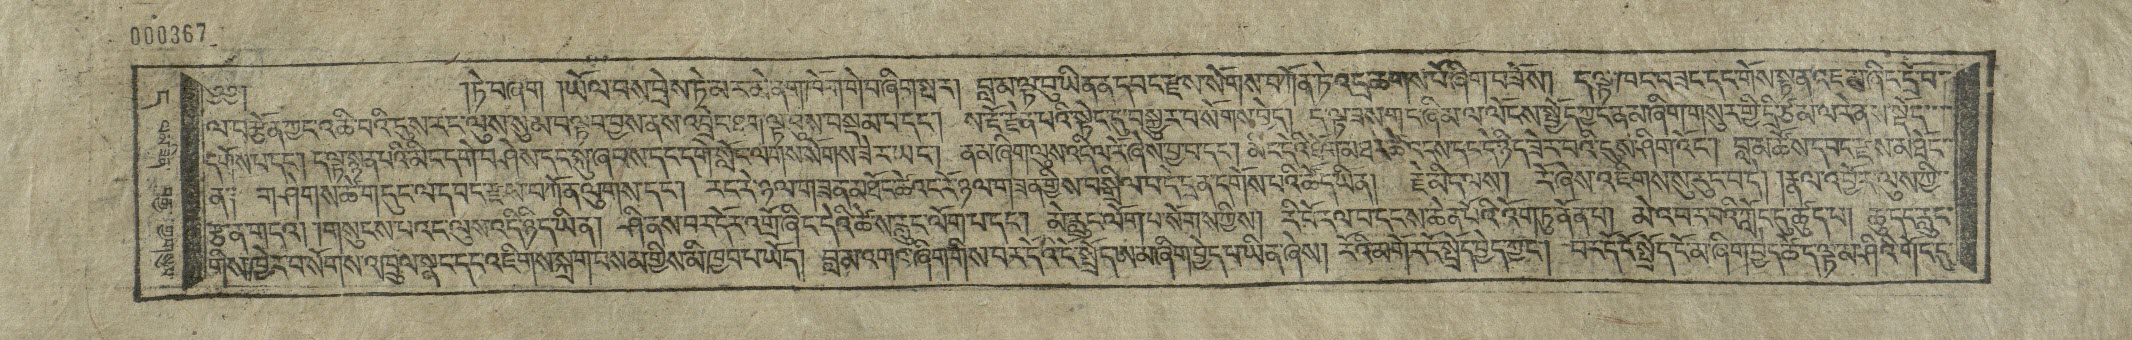༄༅། །ཏེ་བཞག །ཡོལ་བས་བྲེས་ཏེ་མར་མེ་ནག་ཁོག་གེ་བ་ཞིག་སྤར། བླ་མ་ལྟ་བུ་ཡིན་ན་དབང་རྫས་སོགས་བཀོན་ཏེ་འདྲ་ཆགས་པོ་ཞིག་བཟོས། ད་ལྟ་ཁང་བཟང་དང་གོས་སྟན་འཇམ་ཞིང་དྲོ་བ་
ལ་བརྩོན་ཀྱང་འཆི་བའི་དུས་རང་ལུས་སུམ་བལྟབ་བྱས་ནས་འབྲེང་ཐག་ལྟ་བུས་བསྡམ་པ་དང་། ས་རྡོ་རྗེན་པའི་སྟེང་དུ་བསྐྱུར་བ་སོགས་བྱེད། ད་ལྟ་ཟས་གང་ཞིམ་ལ་ལོངས་སྤྱོད་ཀྱང་ནམ་ཞིག་གསུར་གྱི་དྲི་ཙམ་ལ་རེ་ནས་སྡོད་
དགོས་པ་དང་། ད་ལྟ་སྙན་པའི་མིང་དགེ་བཤེས་དང་སྐུ་ཞབས་དང་དགེ་སློང་ལགས་སོགས་ཟེར་ཡང་། ནམ་ཞིག་ལུས་འདི་ལ་རོ་ཞེས་བྱ་བ་དང་། མིང་དེའི་ཐོག་མཐར་ཚེ་འདས་དང་དེ་ཉིད་ཟེར་བའི་དུས་ཤིག་འོང་། བླ་མ་ཚོས་དབང་རྫས་མཐོང་
ན༑ གཤེགས་ཚེ་གདུང་ལ་དབང་རྫས་བཀོན་ལུགས་དང་། རང་རེ་ཉལ་གཟན་མཐོང་ཚེའང་རོ་ཉལ་གཟན་གྱིས་བསྒྲིལ་བ་དེ་དྲན་དགོས་པའི་ཚོད་ཡིན། རྗེ་མིད་ལས། རོ་ཞེས་འཇིགས་སུ་རུང་བ་དེ། །རྣལ་འབྱོར་ལུས་ཀྱི་
རྩ་ན་གདའ། །གསུངས་པའང་ལུས་འདི་ཉིད་ཡིན། ཤི་ནས་བར་དོར་འགྲོ་ཞིང་དེའི་ཚེ་ས་རླུང་ལོག་པ་དང་། མེ་རླུང་ལོག་པ་སོགས་ཀྱིས། རི་བོ་རལ་བ་དང་ས་ཆེན་པོའི་འོག་ཏུ་ནོན་པ། མེ་འབར་བའི་ཀློང་དུ་ཚུད་པ། ཆུ་དང་རླུང་
གིས་ཁྱེར་བ་སོགས་འཁྲུལ་སྣང་དང་འཇིགས་སྐྲག་བསམ་གྱིས་མི་ཁྱབ་པ་ཡིད། བླ་མ་འགའ་ཞིག་གིས་བར་དོའི་ངོ་སྤྲོད་ཨ་མ་ཞིག་བྱེད་པ་ཡིན་ཞེས། རོའི་མགོར་ངོ་སྤྲོད་བྱེད་ཀྱང་། བར་དོ་ངོ་སྤྲོད་ངོ་མ་ཞིག་བྱེད་ཚེ་ད་ལྟ་མ་ཤིའི་གོང་དུ་